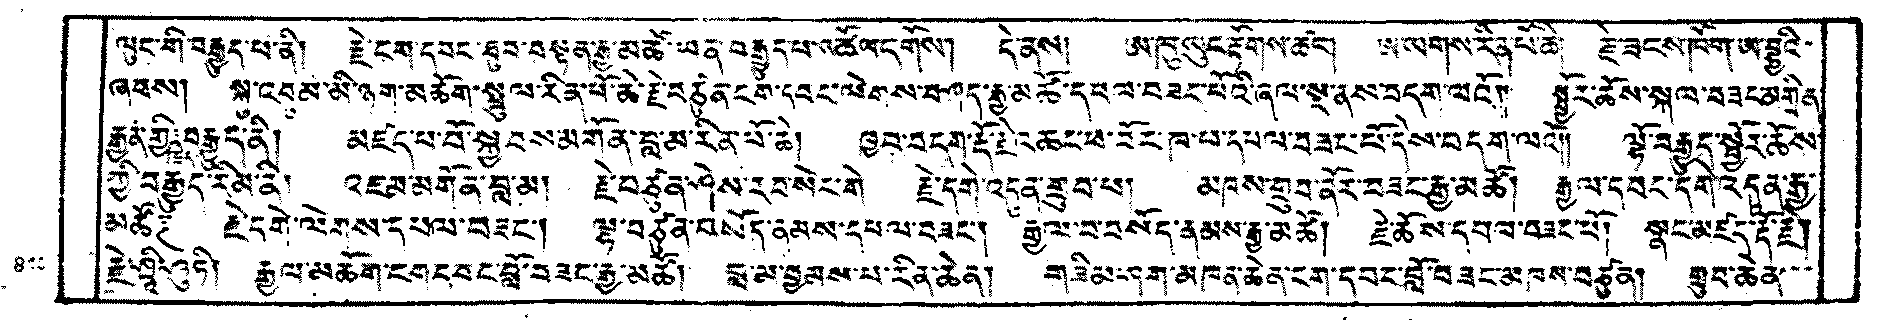ལུང་གི་བརྒྱུད་པ་ནི། རྗེ་ངག་དབང་ཐུབ་བསྟན་རྒྱ་མཚོ་ཡང་?་བརྒྱུད་པ་འཚོལ་དགོས། དེ་ནས། ཨ་ཁུ་ལུང་རྟོགས་ཚང་། ཨ་ལགས་རིན་པོ་ཆེ། རྗེ་ཟངས་ཁོག་ཨ་བྷྱའི་
ཞབས། སྐུ་འབུམ་མི་ཉག་མཆོག་སྤྲུལ་རིན་པོ་ཆེ་རྗེ་བཙུན་ངག་དབང་ལེགས་བཤད་རྒྱ་མཚོ་དཔལ་བཟང་པོའི་ཞལ་སྔ་ནས་བདག་ལའོ། །སྦྱོར་ཆོས་སྐལ་བཟང་མགྲིན་
རྒྱན་གྱི་ཁྲིད་བརྒྱུད་ནི། མཛད་པ་པོ་སྐྱབས་མགོན་བླ་མ་རིན་པོ་ཆེ། ཁྱབ་བདག་རྡོ་རྗེ་འཆང་ཕ་བོང་ཁ་པ་དཔལ་བཟང་པོ་དེས་བདག་ལའོ། །ལྷོ་བརྒྱུད་སྦྱོར་ཆོས་
ཀྱི་བརྒྱུད་རིམ་ནི། འཇམ་མགོན་བླ་མ། རྗེ་བཙུན་ཤེས་རབ་སེང་གེ་རྗེ་དགེ་འདུན་གྲུབ་པ། མཁས་གྲུབ་ནོར་བཟང་རྒྱ་མཚོ། རྒྱལ་དབང་དགེ་འདུན་རྒྱ་
མཚོ༑ རྗེ་དགེ་ལེགས་དཔལ་བཟང་། ལྷ་བཙུན་བསོད་ནམས་དཔལ་བཟང་། རྒྱལ་བ་བསོད་ནམས་རྒྱ་མཚོ། རྗེ་ཆོས་དཔལ་བཟང་པོ། སྣང་མཛད་རྡོ་རྗེ།
རྗེ་ཤྲཱི་ཤུ་ཏི། རྒྱལ་མཆོག་ངག་དབང་བློ་བཟང་རྒྱ་མཚོ། བླ་མ་བྱམས་པ་རིན་ཆེན། གཟིམ་ཤག་མཁན་ཆེན་ངག་དབང་བློ་བཟང་མཁས་བཙུན། གྲུབ་ཆེན་